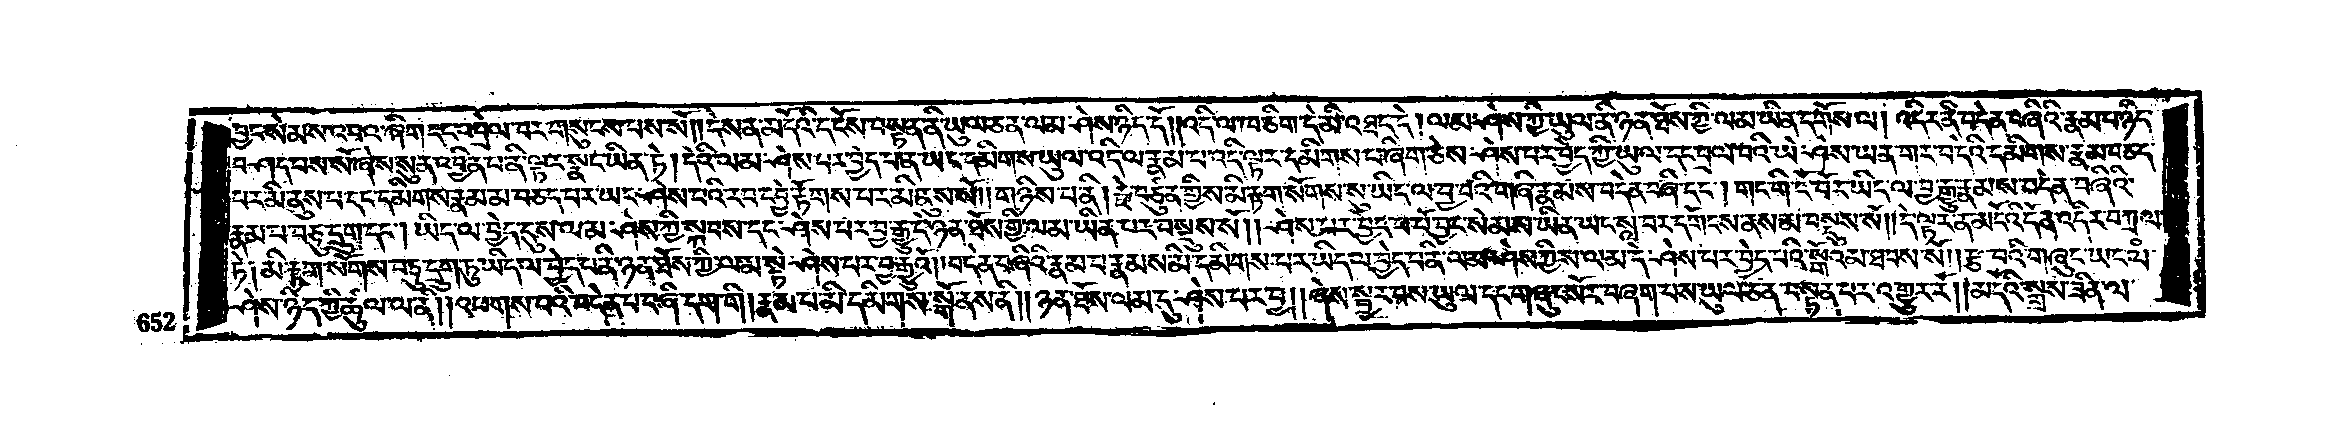བྱང་སེམས་འབའ་ཞིག་དང་འབྲེལ་བར་གསུངས་པས་སོ། །དེས་ན་མདོའི་དངོས་བསྟན་ནི་ཡུལ་ཅན་ལམ་ཤེས་ཉིད་དོ། །འདི་ལ་ཁ་ཅིག་དེ་མི་འཐད་དེ། ལམ་ཤེས་ཀྱི་ཡུལ་ནི་ཉན་ཐོས་ཀྱི་ལམ་ཡིན་དགོས་ལ། འདིར་ནི་བདེན་བཞིའི་རྣམ་པ་ཉིད་
བཤད་པས་སོ་ཞེས་སུན་འབྱིན་པ་ནི་ལྟར་སྣང་ཡིན་ཏེ། དེའི་ལམ་ཤེས་པར་བྱེད་པ་ན་ཡང་དམིགས་ཡུལ་འདི་ལ་རྣམ་པ་འདི་ལྟར་དམིགས་པ་ཞིག་ཅེས་ཤེས་པར་བྱེད་ཀྱི་ཡུལ་དང་བྲལ་བའི་ཡེ་ཤེས་ཡན་གར་བ་དེའི་དམིགས་རྣམ་བཅད་
པར་མི་ནུས་པ་དང་དམིགས་རྣམ་མ་བཅད་པར་ཡང་ཤེས་པའི་རབ་དབྱེ་རྟོགས་པར་མི་ནུས་སོ། །གཉིས་པ་ནི། རྗེ་བཙུན་གྱིས་མི་རྟག་སོགས་སུ་ཡིད་ལ་བྱ་བའི་གཞི་རྣམས་བདེན་བཞི་དང་། གང་གི་ངོ་བོར་ཡིད་ལ་བྱ་རྒྱུ་རྣམས་བདེན་བཞིའི་
རྣམ་པ་བཅུ་དྲུག་དང་། ཡིད་ལ་བྱེད་དུས་ལམ་ཤེས་ཀྱི་སྐབས་དང་ཤེས་པར་བྱ་རྒྱུ་དེ་ཉན་ཐོས་ཀྱི་ལམ་ཡིན་པར་བསྡུས་སོ། །ཤེས་པར་བྱེད་པ་པོ་བྱང་སེམས་ཡིན་ཡང་སླ་བར་དགོངས་ནས་མ་བསྡུས་སོ། །དེ་ལྟར་ན་མདོའི་དོན་འདིར་བཀྲལ་
ཏེ། མི་རྟག་སོགས་བཅུ་དྲུག་ཏུ་ཡིད་ལ་བྱེད་པ་ནི་ཉན་ཐོས་ཀྱི་ལམ་སྟེ་ཤེས་པར་བྱ་རྒྱུའོ། །བདེན་བཞིའི་རྣམ་པ་རྣམས་མི་དམིགས་པར་ཡིད་ལ་བྱེད་པ་ནི་ལམ་ཤེས་ཀྱི་ས་ལམ་དེ་ཤེས་པར་བྱེད་པའི་སྒོའམ་ཐབས་སོ། །རྩ་བའི་གཞུང་ཡང་ལམ་
ཤེས་ཉིད་ཀྱི་ཚུལ་ལ་ནི། །འཕགས་པའི་བདེན་པ་བཞི་དག་གི །རྣམ་པ་མི་དམིགས་སྒོ་ནས་ནི། །ཉན་ཐོས་ལམ་དུ་ཤེས་པར་བྱ། །ཞེས་སྦྱར་བས་ཡུལ་དང་གཞུང་སོར་བཞག་པས་ཡུལ་ཅན་བསྟན་པར་འགྱུར་རོ། །མདོའི་སྒྲས་ཟིན་ལ་